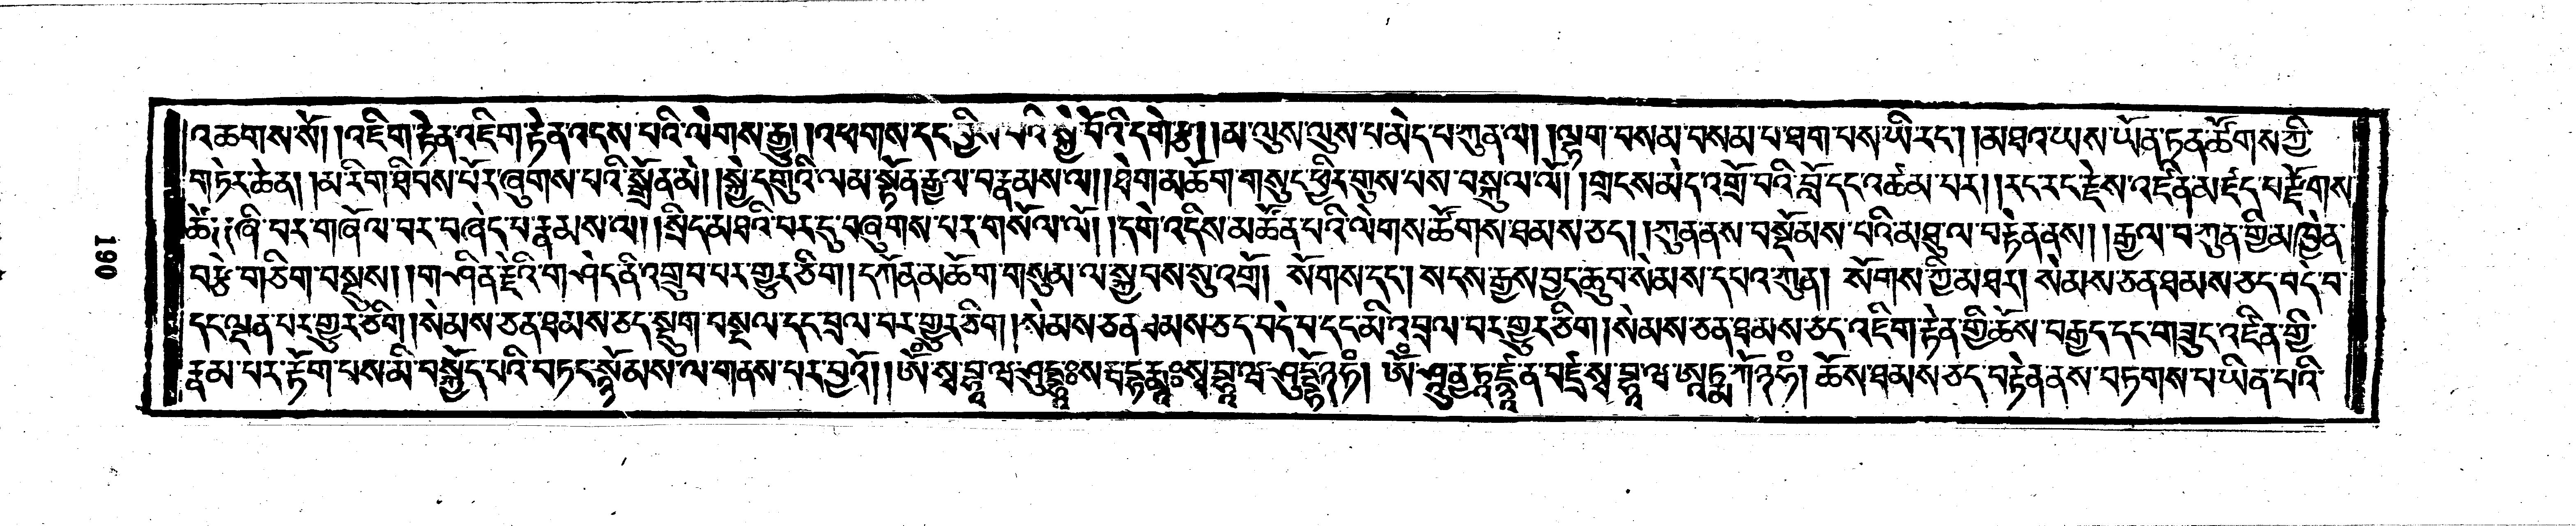འཆགས་སོ། །འཇིག་རྟེན་འཇིག་རྟེན་འདས་པའི་ལེགས་རྒྱུ། །འཕགས་དང་བྱིས་པའི་སྐྱེ་བོའི་དགེ་རྩ། །མ་ལུས་ལུས་པ་མེད་པ་ཀུན་ལ། །ལྷག་བསམ་བསམ་པ་ཐག་པས་ཡི་རང་། །མཐའ་ཡས་ཡོན་ཏན་ཚོགས་ཀྱི་
གཏེར་ཆེན། །མ་རིག་ཐིབས་པོར་ཞུགས་པའི་སྒྲོན་མེ། །སྐྱེ་དགུའི་ལམ་སྟོན་རྒྱལ་བ་རྣམས་ལ། །ཐེག་མཆོག་གསུང་ཕྱིར་གུས་པས་བསྐུལ་ལོ། །གྲངས་མེད་འགྲོ་བའི་བློ་དང་འཚམ་པར། །རང་རང་རྗེས་འཛིན་མཛད་པ་རྫོགས་
ཚེ༑ ༑ཞི་བར་གཞོལ་བར་བཞེད་པ་རྣམས་ལ། །སྲིད་མཐའི་བར་དུ་བཞུགས་པར་གསོལ་ལོ། །དགེ་འདིས་མཚོན་པའི་ལེགས་ཚོགས་ཐམས་ཅད། །ཀུན་ནས་བསྡོམས་པའི་མཐུ་ལ་བརྟེན་ནས། །རྒྱལ་བ་ཀུན་གྱི་མཁྱེན་
བརྩེ་གཅིག་བསྡུས། །གཤིན་རྗེའི་གཤེད་ནི་འགྲུབ་པར་གྱུར་ཅིག །དཀོན་མཆོག་གསུམ་ལ་སྐྱབས་སུ་འགྲོ། སོགས་དང་། སངས་རྒྱས་བྱང་ཆུབ་སེམས་དཔའ་ཀུན། སོགས་ཀྱི་མཐར། སེམས་ཅན་ཐམས་ཅད་བདེ་བ་
དང་ལྡན་པར་གྱུར་ཅིག །སེམས་ཅན་ཐམས་ཅད་སྡུག་བསྔལ་དང་བྲལ་བར་གྱུར་ཅིག །སེམས་ཅན་ཐམས་ཅད་བདེ་བ་དང་མི་འབྲལ་བར་གྱུར་ཅིག །སེམས་ཅན་ཐམས་ཅད་འཇིག་རྟེན་གྱི་ཆོས་བརྒྱད་དང་གཟུང་འཛིན་གྱི་
རྣམ་པར་རྟོག་པས་མི་བསྐྱོད་པའི་བཏང་སྙོམས་ལ་གནས་པར་བྱའོ། །ཨོཾ་སྭ་བྷཱ་ཝ་ཤུདྡྷཱཿ སརྦ་དྷརྨཱཿ སྭ་བྷཱ་ཝ་ཤུདྡྷོ་ཉཧཾ། ཨོཾ་ཤཱུནྱ་ཏཱ་ཛྙཱ་ན་བཛྲ་སྭ་བྷཱ་ཝ་ཨཱཏྨ་ཀོཉཧཾ། ཆོས་ཐམས་ཅད་བརྟེན་ནས་བཏགས་པ་ཡིན་པའི་